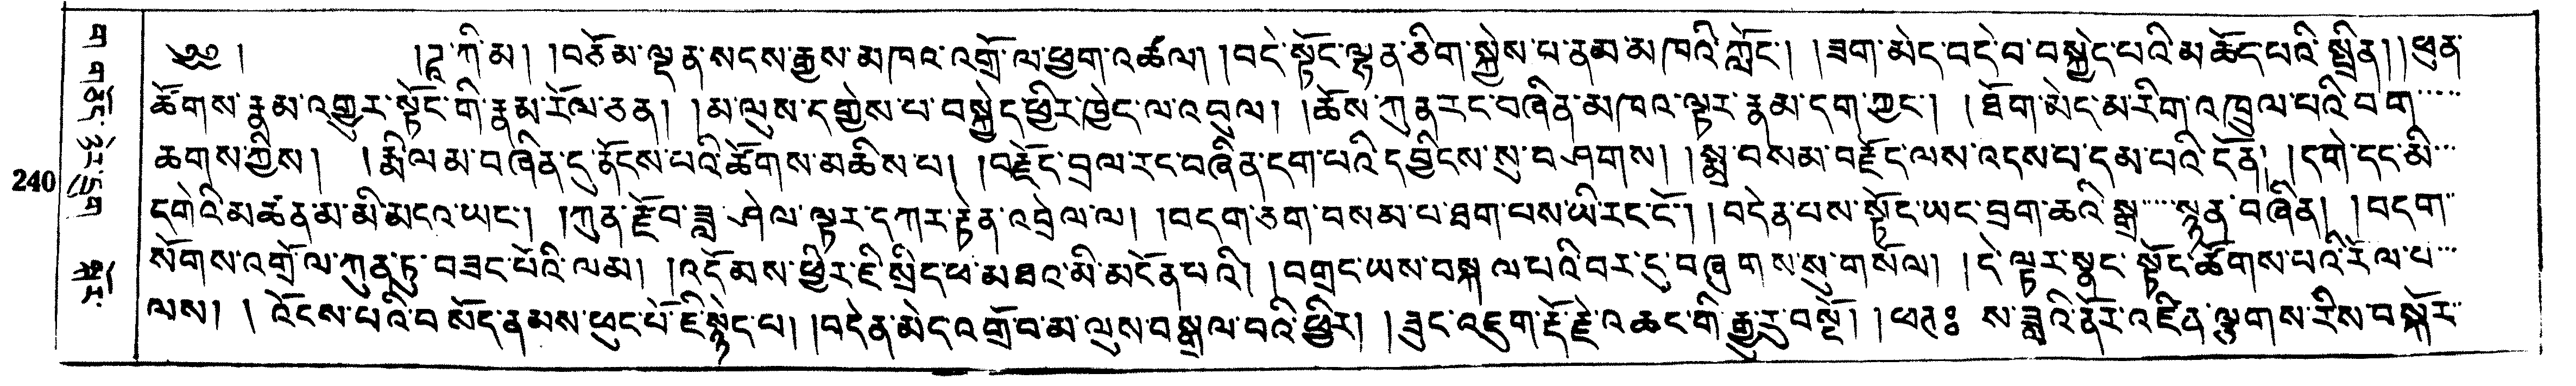༄༅། །ཌཱ་ཀི་མ། །བཅོམ་ལྡན་སངས་རྒྱས་མཁའ་འགྲོ་ལ་ཕྱག་འཚལ། །བདེ་སྟོང་ལྷན་ཅིག་སྐྱེས་པ་ནམ་མཁའི་ཀློང་། །ཟག་མེད་བདེ་བ་བསྐྱེད་པའི་མཆོད་པའི་སྤྲིན། །ཕུན་
ཚོགས་རྣམ་འགྱུར་སྟོང་གི་རྣམ་རོལ་ཅན། །མ་ལུས་དགྱེས་པ་བསྐྱེད་ཕྱིར་ཁྱེད་ལ་འབུལ། །ཆོས་ཀུན་རང་བཞིན་མཁའ་ལྟར་རྣམ་དག་ཀྱང་། །ཐོག་མེད་མ་རིག་འཁྲུལ་པའི་བག་
ཆགས་ཀྱིས། །རྨི་ལམ་བཞིན་དུ་ནོངས་པའི་ཚོགས་མཆིས་པ། །བརྗོད་བྲལ་རང་བཞིན་དག་པའི་དབྱིངས་སུ་བཤགས། །སྨྲ་བསམ་བརྗོད་ལས་འདས་པ་དམ་པའི་དོན། །དགེ་དང་མི་
དགེའི་མཚན་མ་མི་མངའ་ཡང་། །ཀུན་རྫོབ་ཟླ་ཤེལ་ལྟར་དཀར་རྟེན་འབྲེལ་ལ། །བདག་ཅག་བསམ་པ་ཐག་པས་ཡི་རང་ངོ། །བདེན་པས་སྟོང་ཡང་བྲག་ཆའི་སྒྲ་སྙན་བཞིན། །བདག་
སོགས་འགྲོ་ལ་ཀུན་ཏུ་བཟང་པོའི་ལམ། །འདོམས་ཕྱིར་ཇི་སྲིད་ཕ་མཐའ་མི་མངོན་པའི། །བགྲང་ཡས་བསྐལ་པའི་བར་དུ་བཞུགས་སུ་གསོལ། །དེ་ལྟར་སྣང་སྟོང་ཚོགས་པའི་རོལ་པ་
ལས། །འོངས་པའི་བསོད་ནམས་ཕུང་པོ་ཇི་སྙེད་པ། །བདེན་མེད་འགྲོ་བ་མ་ལུས་བསྒྲལ་བའི་ཕྱིར། །ཟུང་འཇུག་རྡོ་རྗེ་འཆང་གི་རྒྱུ་རུ་བསྔོ། །ཕཊཿ ས་ཟླའི་ནོར་འཛིན་ལྕགས་རིས་བསྐོར་